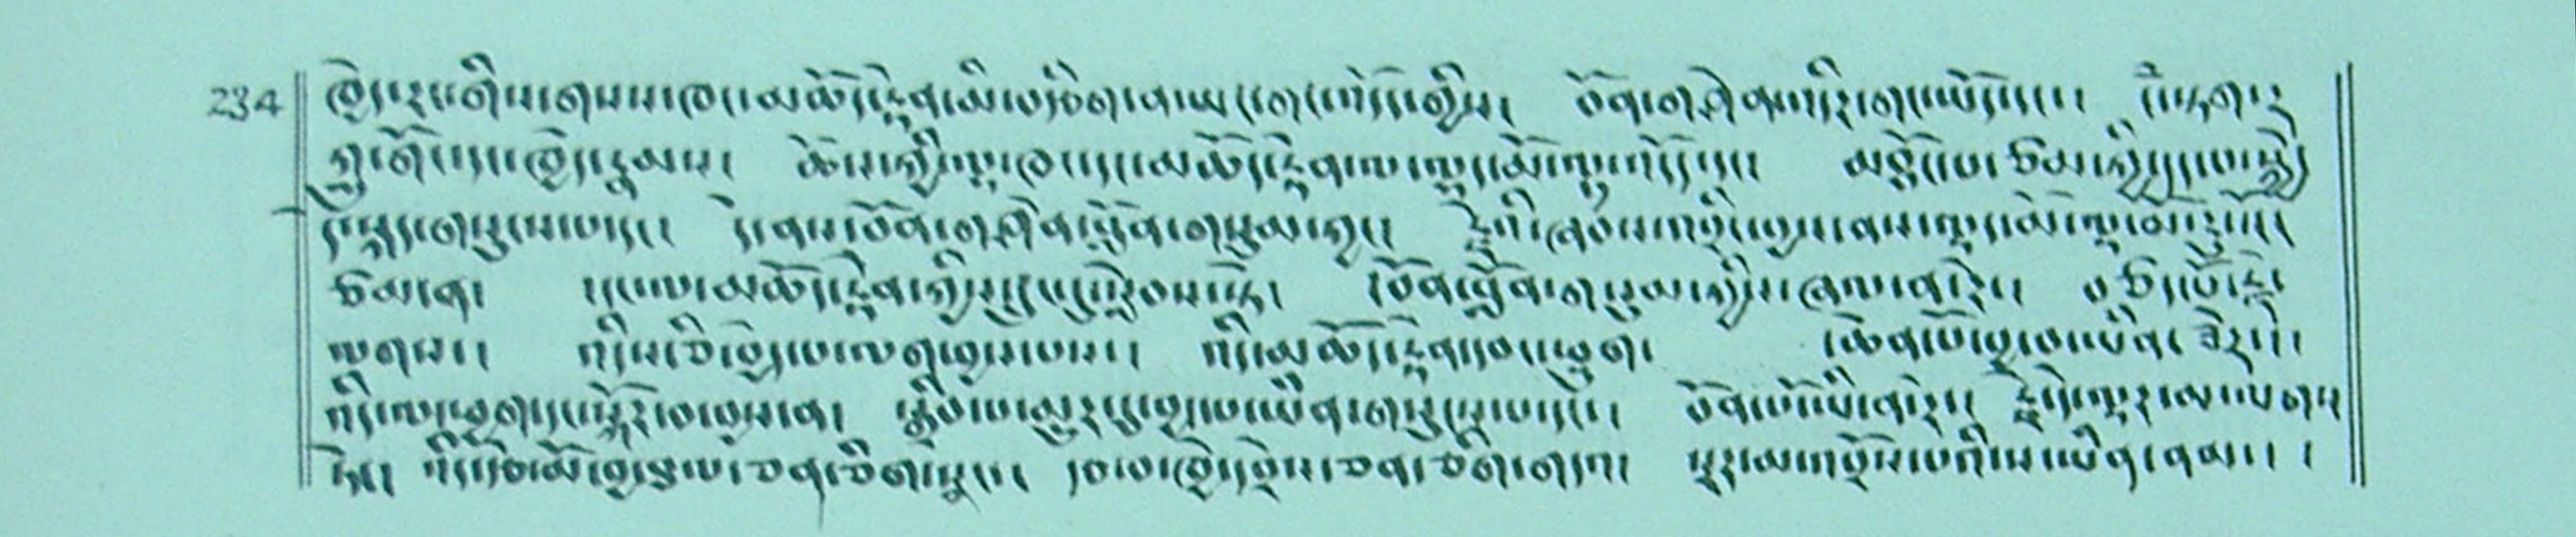ཁྱེད་རང་གིས་གསས་ཁང་མཆོད་རྟེན་མི་བརྩིགས་ན་ཡང་གང་འདོད་གྱིས། བོན་གཤེན་འདིར་གང་ཡོད་དང་། ངམ་སྟག་ར་
ཀླུ་གོང་དང་ཁྱེད་རྣམས། ཆོས་ཀྱི་ལྷ་ཁང་དང་མཆོད་རྟེན་ལ་ལྟད་མོ་ལྷ་འདོད་དང་། མཐོང་བ་ཙམ་གྱིས་དང་བ་སྐྱེ། 
དེ་སྐད་གསུངས་པ་དང་། དེ་ནས་བོན་གཤེན་བློན་གསུམ་ཡང་། རྗེའི་ཞབས་འབྲེང་བྱས་ནས་ལྟད་མོ་ལྟ་རུ་སོང་
ཙམ་ན། དང་ལ་མཆོད་རྟེན་གྱི་དྲུང་དུ་སླེབས་ཏེ། བོན་བློན་གསུམ་གྱི་ཞལ་ན་རེ། བཙད་པོ་རྗེ་
ལགས། འདིས་ཅི་བྱེད་པ་ལགས་བྱས་པས། འདི་མཆོད་རྟེན་དབང་ཕྱུག་ཆེན་པོ་བྱ་བ་ཡིན་ཟེར། 
འདི་ལ་ཕྱག་དང་སྐོར་བ་བྱས་ན། སྒྲིབ་པ་མྱུར་དུ་བྱང་བ་ཡིན་གསུངས་པ་དང་། བོན་པོ་ཡིས་ན་རེ། རྗེ་དེ་ལྟར་མ་ལགས་
ཏེ། འདི་རྩེ་མོ་བྱ་ཐལ་ཅན་ཅིག་སྣང་། རྩ་བ་ཁྱེའུ་དབྲེས་ཅན་ཅིག་གདའ་། སྡར་མ་འབྲོས་པའི་ས་ཡིན་ནམ།